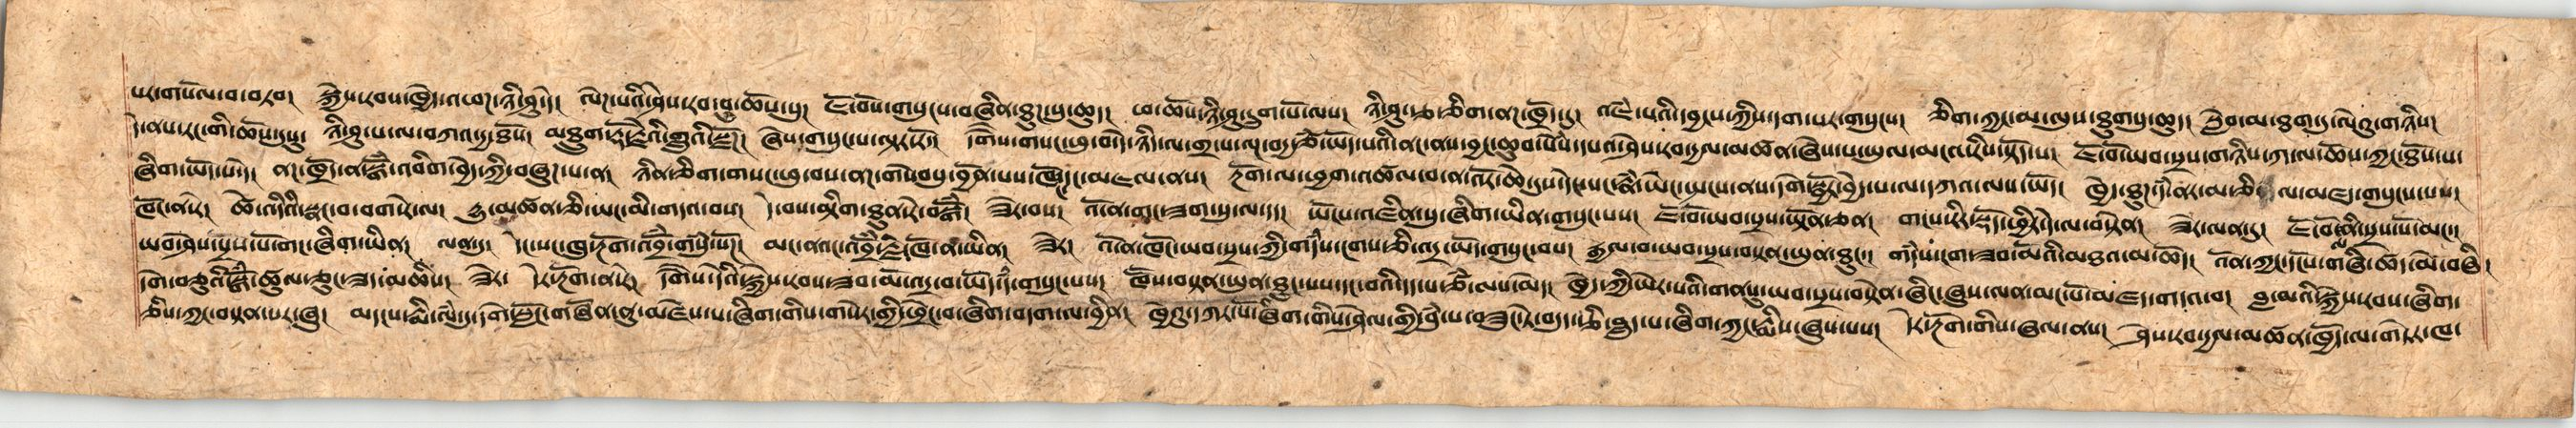པར་གསོལ་བ་བཏབ། སྐྱེས་རབས་ཁྱེད་འཕཌ་ཉི་ཤུ་དེ། ལེཌ་པའི་ཤེས་རབ་བུ་ཆོས་སུ། ཇོ་བོས་གསུངས་བཞིན་ཐུཌ་སུ་ཆུད། ཕ་ཆོས་ཉི་ཤུ་དྲུག་པོ་ལས། ཉི་ཤུ་རྩ་ཅིག་ནཌ་ཁྲོད་དུ། འཇཾ་པའི་དབྱངས་ཀྱིས་དག་པར་གསུངས། ཅིག་ཀྱང་མ་ལུས་ཐུགསུ་ཆུད། སླེབ་མ་ཐག་དུ་ལེའུ་གཉིས།
དེ་ནས་རང་གི་ཆོས་དུསུ། ཉི་ཤུ་པ་ལ་བཀའ་བདྱ་ཐོས། མཐྲུག་རྡོ་རྗེའི་གླུའི་སྫོཌ། ཞེས་གསུངས་པ་ལྟར་རོ། དགཻས་གསང་ཕུ་བ་དེ་ཉིད་ལ་གྲ་པ་ལྔ་བདྱ་ཙཾ་ཡོད་པའི་ནང་ནས་བྱང་ཆུབ་སེཾས་དཔའ་ཤེས་རབ་དྱལ་མཚན་ཞེས་པ་ཡུལ་མངའ་རིས་སྟོད་པ། ཇོ་བོ་ཡབ་སྲས་གཉིས་ཀ་ལ་ཆོས་ཀྱང་ཐོས་པ་
ཞིག་ཡོད་པ་དེ། ནཌ་ཁྲོད་ན་སྒོཾ་འབིག་བྱེད་ཀྱིན་བཞུཌ་པ་ན། ཉིན་ཅིག་གསང་ཕུ་བས་ནཌ་གསེབསུ་བྱོན་པས་ཁོང་དང་མཇལ་ནས། རྔོག་ལ་ཕྱག་འཚལ་བ་ན་འོར་ཆེ་དུས་དེང་སང་རྣཾ་ཡེང་སྤངས་ནས་དགེ་སྦྱོར་བྱེད་པ་ལ་དཀའ་ལས་ཡོད། ཁྱེད་ཐུཌ་དཾ་ནར་མ་ཅི་ལ་མཛད་གསུངས་པས།
ཁོང་ན་རེ། ཚེ་འདིའི་སྣང་བ་བག་རེ་ལ། དྱུ་མཚན་ཅི་ཡང་མི་གདའ་བས། དེ་བས་མྟེོག་ཐུན་རེ་བསྒོཾ། ཟེར་བས། འོ་ན་གང་ཟག་སུ་ལ་དད། ཡོངས་འཛིན་སུ་ཞིག་ཡིན་གསུང་པས། ཇོ་བོ་ཡབ་སྲས་ཡྟོན་ཅན། གངས་རིར་སྡོད་ཕྱིར་དེ་ལ་བསྟེན། ཟེར་ལན་དུ། ཇོ་བོ་ལ་ནི་སྲས་སོ་མང་།
ཡབ་ཤེས་སྲས་པོ་གང་ཞིག་ཡིན། ལན་དུ། དེང་སང་ཁུ་རྔོག་འབྲོཾ་གསུཾ་སོཌ། མང་ནའང་འབྲོཾ་རྗེ་ཁོ་ན་ཡིན། ཟེར། འོ་ན་ཁོང་ཡབ་སྲས་ཀྱི་གདཾས་ངགས་ཅི་འདྲ་ཡོད་གསུང་བས། དྱལ་བ་ཡབ་སྲས་བསྟན་ཡུན་ཐུང་། གདཾས་ངག་ཟབ་མོའི་མཐའ་མ་ཆོད། འོན་ཀྱང་དངོས་གཞི་ཚད་མེ་བཞི།
དགེ་བཅུའི་སྒོཾ་ཚུལ་ཅུང་ཟད་མཆིས། ཟེར། དེར་རྔོག་ན་རེ། དགཻས་དེའི་སྐྱེས་རབས་ཟབ་མོ་འདྲ་བ་ཡོད་དཾ་གསུངས་པས། ཁཽས་བསྟན་ཡུན་ཐུང་པས་དང་བའི་དད་པ་ཙཾ་ལས་མེད། ཁྱེད་ཀྱི་ཡེར་པའི་གནསུ་ཡབ་སྲས་བསྟེན་ཞིང་ཞུ་ལན་མང་པོ་མཛད་གདའ་བ། བླ་མའི་སྐྱེས་རབས་ཞིག་
ཅིས་ཀྱང་བསྟན་པར་ཞུ། མདང་རྨི་ལཾ་དུ་དགེ་སློང་གཞོན་ནུ་མཛེས་པ་ཞིག་གིས་གསེར་གྱི་ཕྲེང་བ་ཞིག་བདག་ལ་བྱིན། ཁྱེའུ་དཀར་པོ་ཞིག་གིས་ཤེལ་གྱི་བུཾ་པ་བཟུང་སྟེ་བདུད་རྩི་བླུད་པ་ཞིག་ཀྱང་རྨིས་ཞུས་པས། དེར་རྔོག་གིས་ཞལ་ནས། ཤེས་རབ་དྱལ་མཚན་ཁྱོད་ལ་གཏེར་ཁ་